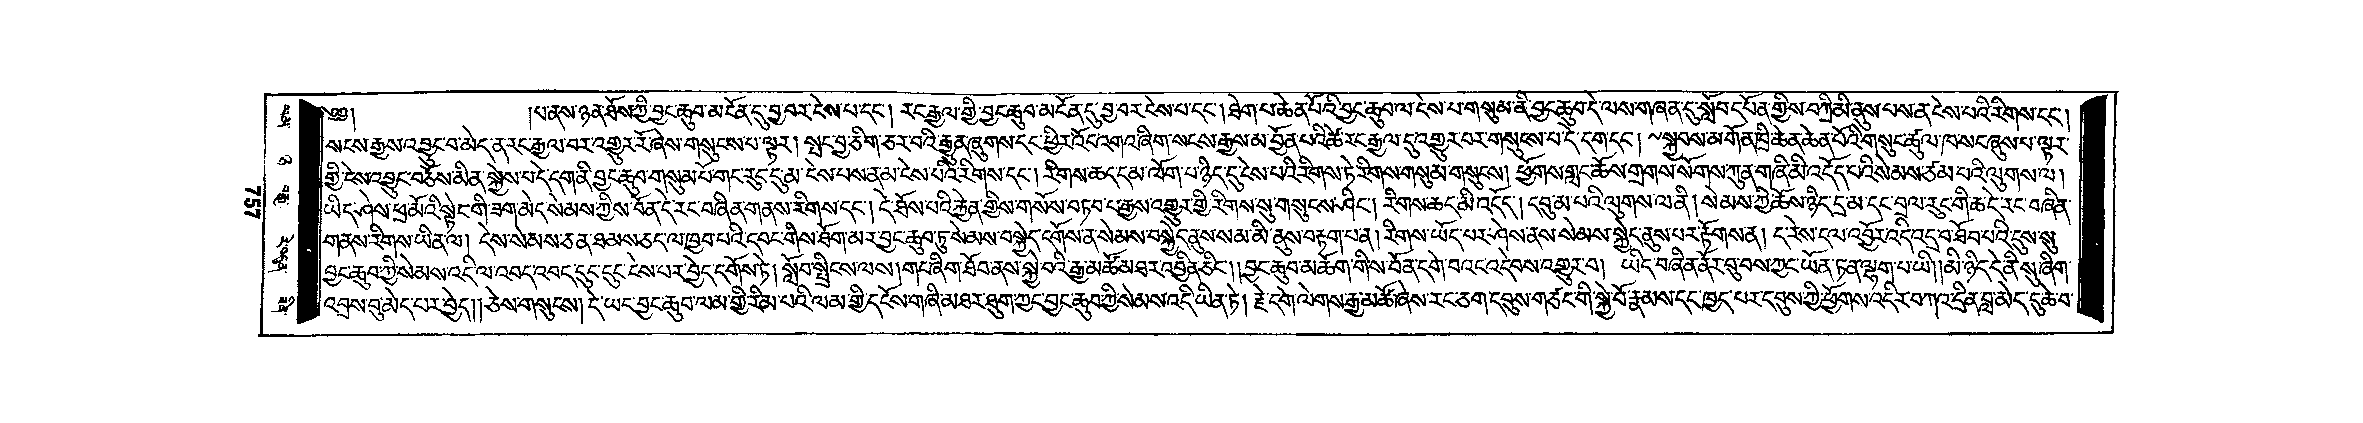༄༅། །པ་ནས་ཉན་ཐོས་ཀྱི་བྱང་ཆུབ་མངོན་དུ་བྱ་བར་ངེས་པ་དང་། རང་རྒྱལ་གྱི་བྱང་ཆུབ་མངོན་དུ་བྱ་བར་ངེས་པ་དང་། ཐེག་པ་ཆེན་པོའི་བྱང་ཆུབ་ལ་ངེས་པ་གསུམ་ནི་བྱང་ཆུབ་དེ་ལས་གཞན་དུ་སློབ་དཔོན་གྱིས་བཀྲི་མི་ནུས་པས་ན་ངེས་པའི་རིགས་དང་།
སངས་རྒྱས་འབྱུང་བ་མེད་ན་རང་རྒྱལ་བར་འགྱུར་རོ་ཞེས་གསུངས་པ་ལྟར། སྤང་བྱ་ཅིག་ཅར་བའི་རྒྱུན་ཞུགས་དང་ཕྱིར་འོང་འགའ་ཞིག་སངས་རྒྱས་མ་བྱོན་པའི་ཚེ་རང་རྒྱལ་དུ་འགྱུར་བར་གསུངས་པ་དེ་དག་དང་། ༧སྐྱབས་མགོན་ཁྲི་ཆེན་ཆེན་པོའི་གསུང་ཚུལ་ཁ་སང་ཞུས་པ་ལྟར་
གྱི་ངེས་འབྱུང་བཅོས་མིན་སྐྱེས་པ་དེ་དག་ནི་བྱང་ཆུབ་གསུམ་པོ་གང་རུང་དུ་མ་ངེས་པས་ནམ་ངེས་པའི་རིགས་དང་། རིགས་ཆད་དམ་ལོག་པ་ཉིད་དུ་ངེས་པའི་རིགས་ཏེ་རིགས་གསུམ་གསུངས། ཕྱོགས་གླང་ཆོས་གྲགས་སོགས་ཀུན་གཞི་མི་འདོད་པའི་སེམས་ཙམ་པའི་ལུགས་ལ།
ཡིད་ཤེས་ཕྲ་མོའི་སྟེང་གི་ཟག་མེད་སེམས་ཀྱིས་བོན་དེ་རང་བཞིན་གནས་རིགས་དང་། དེ་ཐོས་པའི་རྐྱེན་གྱིས་གསོས་བཏབ་པ་རྒྱས་འགྱུར་གྱི་རིགས་སུ་གསུངས་ཤིང་། རིགས་ཆད་མི་འདོད། དབུ་མ་པའི་ལུགས་ལ་ནི། སེམས་ཀྱི་ཆོས་ཉིད་དྲ་མ་དང་བྲལ་རུང་གི་ཆ་དེ་རང་བཞིན་
གནས་རིགས་ཡིན་ལ། དེས་སེམས་ཅན་ཐམས་ཅད་ལ་ཁྱབ་པའི་དབང་གིས་ཐོག་མར་བྱང་ཆུབ་ཏུ་སེམས་བསྐྱེད་དགོས་ན་སེམས་བསྐྱེད་ནུས་སམ་མི་ནུས་བརྟག་པ་ན། རིགས་ཡོད་པར་ཤེས་ནས་སེམས་བསྐྱེད་ནུས་པར་རྟོགས་ན། ད་རེས་དལ་འབྱོར་འདི་འདྲ་བ་ཐོབ་པའི་དུས་སུ་
བྱང་ཆུབ་ཀྱི་སེམས་འདི་ལ་འབད་འབད་དུང་དུང་ངེས་པར་བྱེད་དགོས་ཏེ། སློབ་སྤྲིངས་ལས། གང་ཞིག་ཐོབ་ནས་སྐྱེ་བའི་རྒྱ་མཚོ་མཐར་འབྱིན་ཅིང་། །བྱང་ཆུབ་མཆོག་གི་ས་བོན་དགེ་བའང་འདེབས་འགྱུར་བ། ཡིད་བཞིན་ནོར་བུ་བས་ཀྱང་ཡོན་ཏན་ལྷག་པ་ཡི། །མི་ཉིད་དེ་ནི་སུ་ཞིག་
འབྲས་བུ་མེད་པར་བྱེད། །ཅེས་གསུངས། དེ་ཡང་བྱང་ཆུབ་ལམ་གྱི་རིམ་པའི་ལམ་གྱི་དངོས་གཞི་མཐར་ཐུག་ཀྱང་བྱང་ཆུབ་ཀྱི་སེམས་འདི་ཡིན་ཏེ། རྗེ་དགེ་ལེགས་རྒྱ་མཚོ་ཞེས་རང་ཅག་དབུས་གཙང་གི་སྐྱེ་བོ་རྣམས་དང་ཁྱད་པར་དབུས་ཀྱི་ཕྱོགས་འདིར་བཀའ་དྲིན་བླ་མེད་དུ་ཆེ་བ་